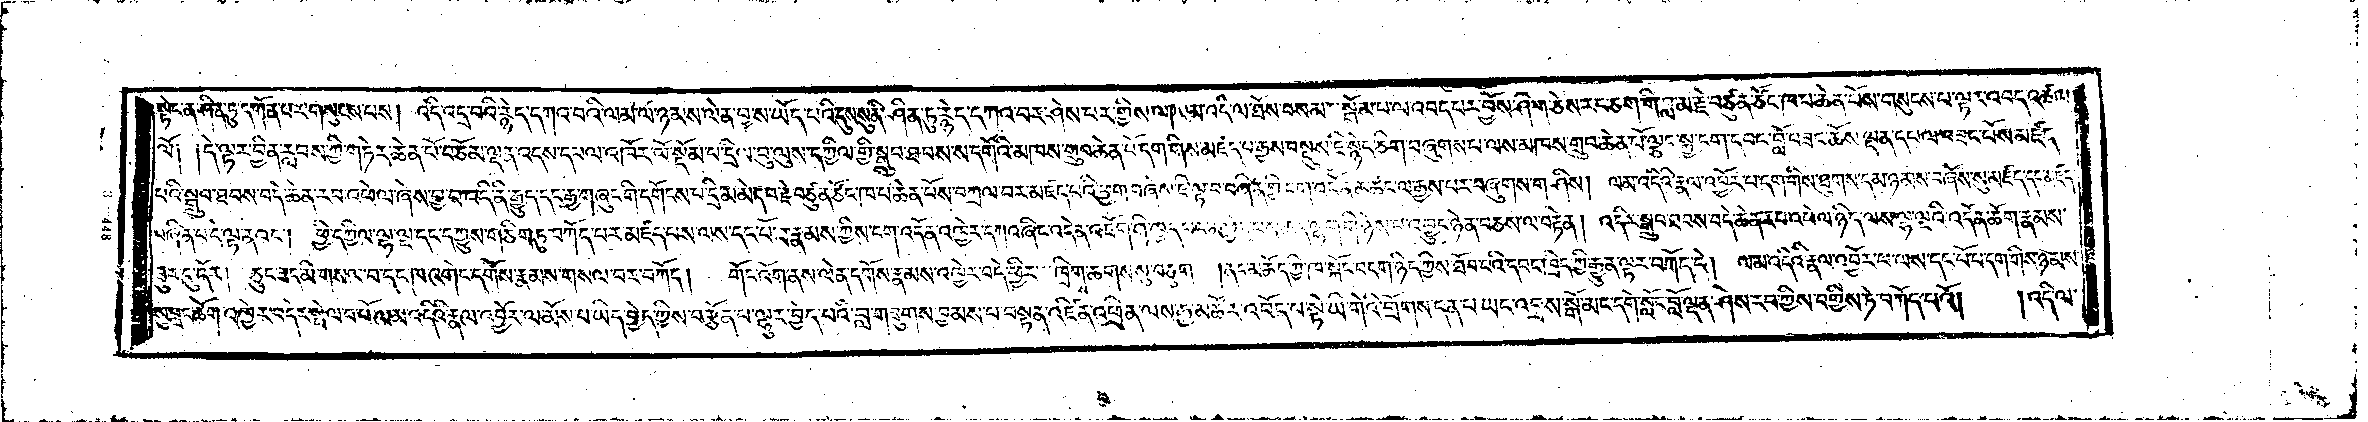སྟེང་ན་ཤིན་ཏུ་དགོན་པར་གསུངས་པས། འདི་འདྲ་བའི་རྙེད་དཀའ་བའི་ལམ་ལ་ཉམས་ལེན་བྱ་ས་ཡོད་པའི་དུས་སུ་ནི་ཤིན་ཏུ་རྙེད་དཀའ་བར་ཤེས་པར་གྱིས་ལ། ལམ་འདི་ལ་ཐོས་བསམ་སྦོམ་པ་ལ་འབད་པར་བྱོས་ཤིག་ཅེས་རང་ཅག་གི་བླ་མ་རྗེ་བཙུན་ཙོང་ཁ་པ་ཆེན་པོས་གསུངས་པ་ལྟར་འབད་འཚལ་
ལོ༑ ༑དེ་ལྟར་བྱིན་རླབས་ཀྱི་གཏེར་ཆེན་པོ་བཅོམ་ལྡན་འདས་དཔལ་འཁོར་ལོ་སྡོམ་པ་དྲིལ་བུ་ལུས་དཀྱིལ་གྱི་སྒྲུབ་ཐབས་ས་དགོའི་མཁས་གྲུབ་ཆེན་པོ་དག་གིས་མཛད་པ་རྒྱས་བསྡུས་ཇི་སྙེད་ཅིག་བཞུགས་པ་ལས་མཁས་གྲུབ་ཆེན་པོ་ལྕང་སྐྱ་ངག་དབང་བློ་བཟང་ཆོས་ལྡན་དཔལ་བཟང་པོས་མཛད་
བའི་སྒྲུབ་ཐབས་བདེ་ཆེན་རབ་འཕེལ་ཞེས་བྱ་བ་འདི་ནིཾ་རྒྱུད་དང་རྒྱ་གཞུང་གི་དགོངས་པ་དྲི་མ་མེད་བ་རྗེ་བཙུན་ཙོང་ཁ་པ་ཆེན་པོས་བཀྲལ་བར་མཛད་པའི་ཕྱག་བཞེས་ཇི་ལྟ་བ་བཞིན་གྱི་ངག་འདོན་ཆ་ཚང་ལ་རྒྱས་པར་བཞུགས་གཤིས། ལམ་འདིའི་རྣལ་འབྱོར་པ་དག་གིས་ཐུགས་དམ་ཉམས་བཞོས་སུ་མཛད་དང་མཛད་
བཞིན་པ་དེ་ལྟ་ནའང་། ཕྱི་དཀྱིལ་ལྟ་ལྔ་དང་དཀྱུས་གཅིག་ཏུ་བཀོད་པར་མཛད་པས་ལས་དང་པོར་རྣམས་ཀྱིས་ངག་འདོན་འཁྱེར་དཀའ་ཞིང་འདེན་འཇོག་གི་ཁྱད་པར་མ་ཕྱེད་པས་ཆད་ལྟག་གི་ཉེས་པ་འབྱུང་ཉེན་བཅས་ལ་བརྟེན། འདིར་སྒྲུབ་ཐབས་བདེ་ཆེན་རབ་འཕེལ་ཉིད་ལས་ལྷ་ལྔའི་འདོན་ཆོག་རྣམས་
ཟུར་དུ་དོར། ཅུང་ཟད་མི་གསལ་བ་དང་ཁ་འགེང་དགོས་རྣམས་གསལ་བར་བཀོད། གོང་འོག་ནས་ལེན་དགོས་རྣམས་འཁྱེར་བདེ་ཕྱིར་ཁྲིགས་ཆགས་སུ་བཅུག །ནང་མཆོད་ཀྱི་ཁ་སྐོང་བདག་ཉིད་ཀྱིས་ཐོབ་བའི་དབང་ཁྲིད་ཀྱི་རྒྱུན་ལྟར་བཀོད་དེ། ལམ་འདིའི་རྣལ་འབྱོར་བ་ལས་དང་པོ་པ་དག་གིས་ཉམས་
སུ་སྤང་ཆོག་འཁྱེར་འདེར་སྤེལ་བ་པོ་ལམ་འདིའི་རྣལ་འབྱོར་ལ་མོས་པ་ཡིད་བྱེད་ཀྱིས་བརྩོན་པ་ལྷུར་བྱེད་པའི་བླ་གཟུགས་བྱམས་པ་བསྟན་འཛིན་འཕྲིན་ལས་རྒྱ་མཚོར་འབོད་པ་སྟེ་ཡི་གེའི་གྲོགས་དན་པ་ཡང་འབྲས་སྒོ་མང་དགེ་སློང་བློ་ལྡན་ཤེས་རབ་ཀྱིས་བགྱིས་ཏེ་བཀོད་པའོ། །འདི་ལ་